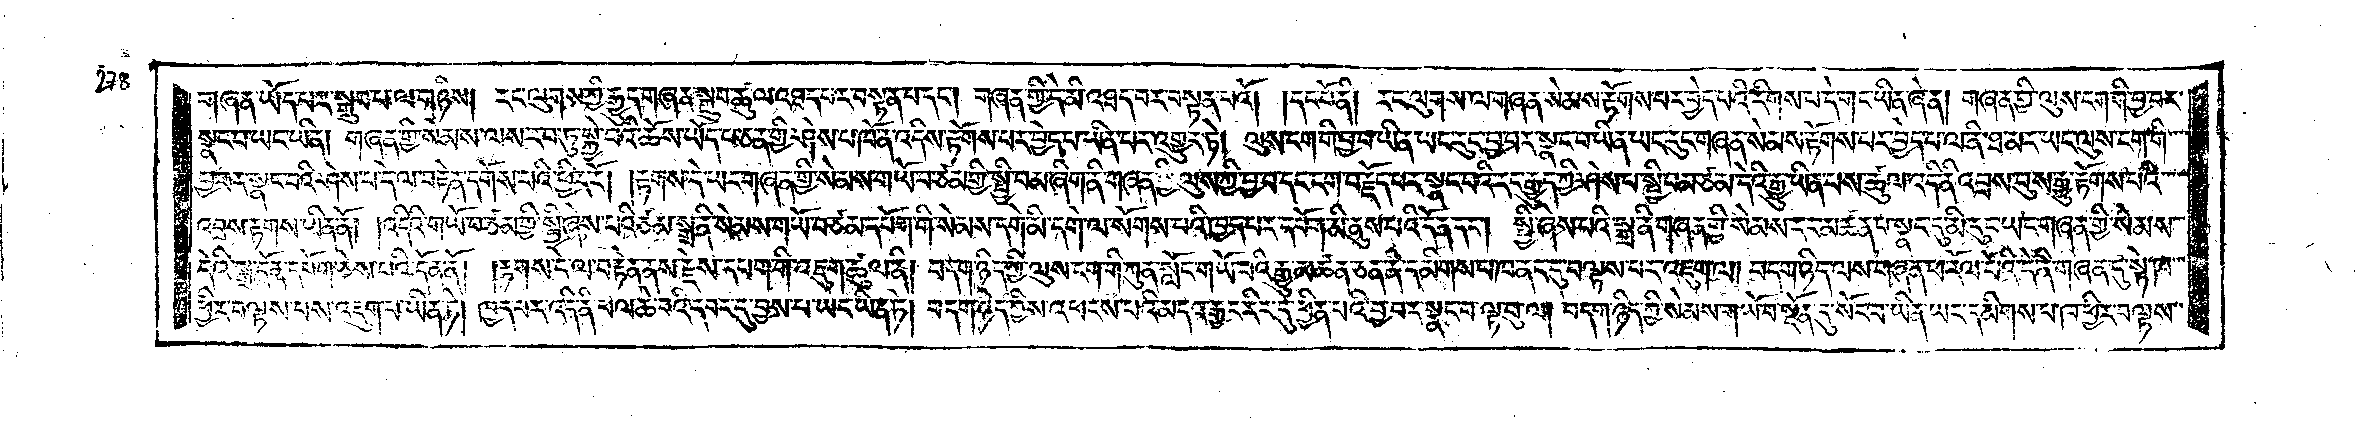གཞན་ཡོད་པར་སྒྲུབ་པ་ལ་གཉིས། རང་ལུགས་ཀྱི་རྒྱུད་གཞན་སྒྲུབ་ཚུལ་འཐད་པར་བསྟན་པ་དང་། གཞན་གྱི་དེ་མི་འཐད་པར་བསྟན་པའོ། །དང་པོ་ནི། རང་ལུགས་ལ་གཞན་སེམས་རྟོགས་པར་བྱེད་པའི་རིགས་པ་དེ་གང་ཡིན་ཞེ་ན། གཞན་གྱི་ལུས་ངག་གི་བྱ་བར་
སྣང་བ་ཡང་ཡིན། གཞན་གྱི་སེམས་ལས་རབ་ཏུ་སྐྱེ་བའི་ཆོས་ཡོད་པ་ཅན་གྱི་ཤེས་པ་ཁོ་ན་འདིས་རྟོགས་པར་བྱེད་པ་ཡིན་པར་འགྱུར་ཏེ། ལུས་ངག་གི་བྱ་བ་ཡིན་ཡང་རུང་བྱ་བར་སྣང་བ་ཡིན་ཡང་རུང་གཞན་སེམས་རྟོགས་པར་བྱེད་པ་ལ་ནི་ཐ་མར་ཡང་ལུས་ངག་གི་
བྱ་བར་སྣང་བའི་ཤེས་པ་དེ་ལ་བརྟེན་དགོས་པའི་ཕྱིར་རོ། །རྟགས་དེ་ཡང་གཞན་གྱི་སེམས་གཡོ་བ་ཙམ་གྱི་སྤྱི་བམ་ཞིག་ནི་གཞན་གྱི་ལུས་ཀྱི་བྱ་བ་དང་ངག་བརྗོད་པར་སྣང་བའི་རང་རྒྱུད་ཀྱི་ཤེས་པ་སྤྱི་བམ་ཙམ་དེའི་རྒྱུ་ཡིན་པས་ཚུལ་འདི་ནི་འབྲས་བུས་རྒྱུ་རྟོགས་པའི་
འབྲས་རྟགས་ཡིན་ནོ། །འདིའི་གཡོ་བ་ཙམ་གྱི་སྤྱི་ཞེས་པའི་ཙམ་སྒྲ་ནི་སེམས་གཡོ་བ་ཙམ་དཔོག་གི་སེམས་དགེ་མི་དགེ་ལ་སོགས་པའི་ཁྱད་པར་དཔོག་མི་ནུས་པའི་དོན་དང་། སྤྱི་ཞེས་པའི་སྒྲ་ནི་གཞན་གྱི་སེམས་དང་མཚན་པ་སྣང་དུ་མི་རུང་ཡང་གཞན་གྱི་སེམས་
དེའི་སྒྲ་དོན་དཔོག་ཅེས་པའི་དོན་ནོ། །རྟགས་དེ་ལ་བརྟེན་ནས་རྗེས་དཔག་གི་འཇུག་ཚུལ་ནི། བདག་ཉིད་ཀྱི་ལུས་ངག་གི་ཀུན་སློང་གཡོ་བའི་རྒྱུ་མཚན་ཅན་ནི་དམིགས་པ་ཁ་ནང་དུ་བལྟས་པར་འཇུག་ལ། བདག་ཉིད་ལས་གཞན་ཕ་རོལ་པོའི་དེ་ནི་གཞན་དུ་སྟེ་ཁ་
ཕྱིར་བལྟས་པས་འཇུག་པ་ཡིན་ཏེ། ཁྱད་པར་འདི་ནི་ཕལ་ཆེ་བའི་དབང་དུ་བྱས་པ་ཡང་ཡིན་ཏེ། བདག་ཉིད་ཀྱིས་འཕངས་པའི་མདའ་རྒྱང་རིང་དུ་ཕྱིན་པའི་བྱ་བར་སྣང་བ་ལྟ་བུ་ལ། བདག་ཉིད་ཀྱི་སེམས་གཡོ་བ་སྔོན་དུ་སོང་བ་ཡིན་ཡང་དམིགས་པ་ཁ་ཕྱིར་བལྟས་